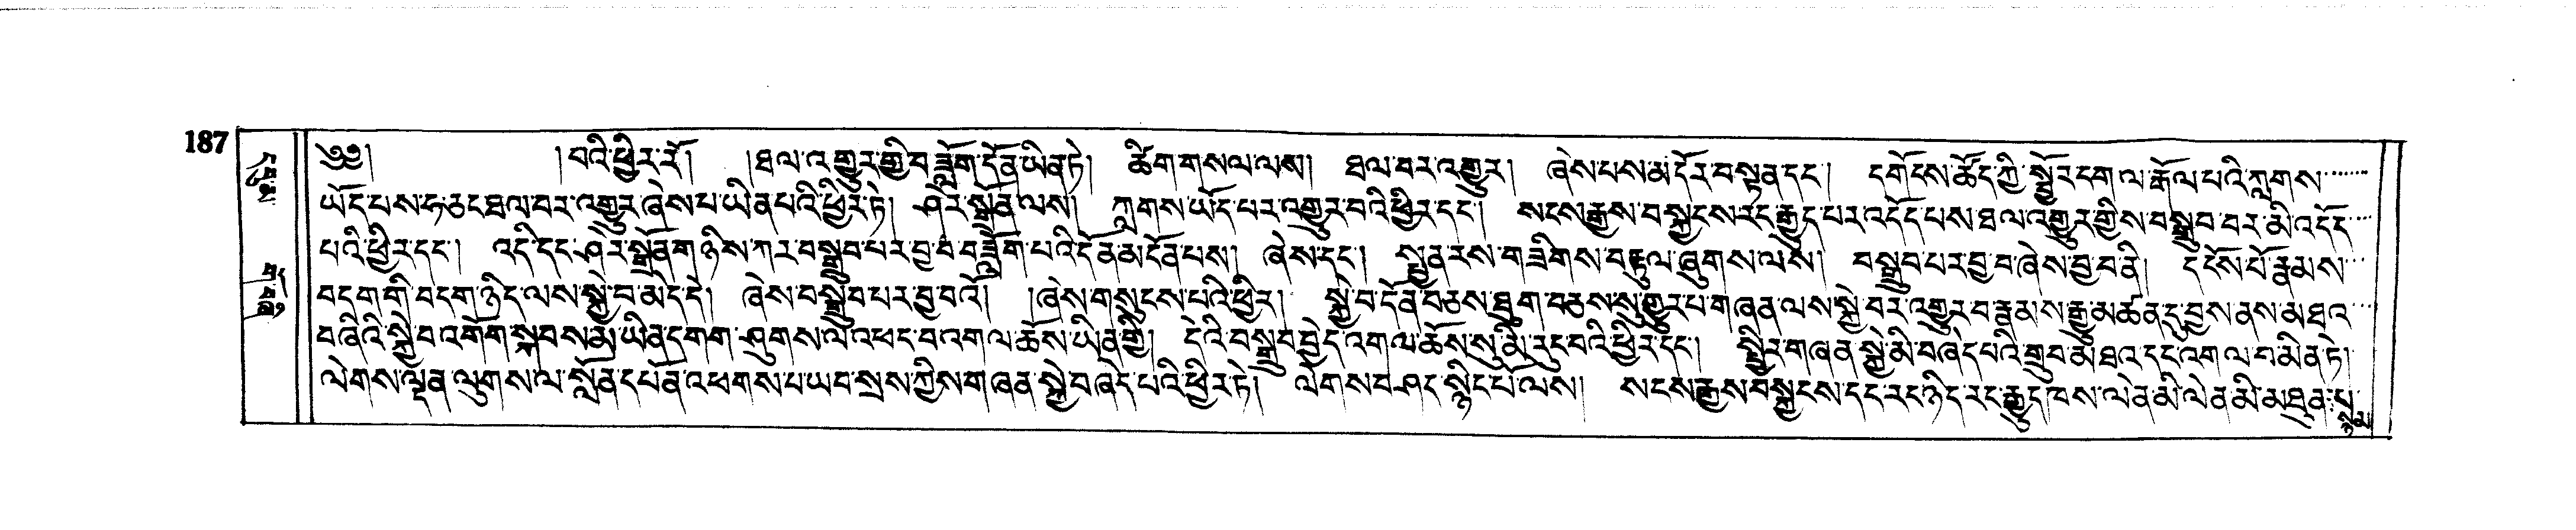༄༅། །བའི་ཕྱིར་རོ། །ཐལ་འགྱུར་གྱི་བཟློག་དོན་ཡིན་ཏེ། ཚིག་གསལ་ལས། ཐལ་བར་འགྱུར། ཞེས་པས་མདོར་བསྟན་དང་། དགོངས་ཚོད་ཀྱི་སྦྱོར་དག་ལ་རྒོལ་པའི་ཀླགས་
ཡོད་པས་ཧ་ཅང་ཐལ་བར་འགྱུར་ཞེས་པ་ཡིན་པའི་ཕྱིར་ཏེ། ཤེར་སྒྲོན་ལས། ཀླགས་ཡོད་པར་འགྱུར་བའི་ཕྱིར་དང་། སངས་རྒྱས་བསྐྱངས་རང་རྒྱུད་པར་འདོད་པས་ཐལ་འགྱུར་གྱིས་བསྒྲུབ་བར་མི་འདོད་
པའི་ཕྱིར་དང་། འདི་དང་ཤེར་སྒྲོན་གཉིས་ཀར་བསྒྲུབ་པར་བྱ་བ་བཟློག་པའི་དོན་མངོན་པས། ཞེས་དང་། སྤྱན་རས་གཟིགས་བརྟུལ་ཞུགས་ལས། བསྒྲུབ་པར་བྱ་བ་ཞེས་བྱ་བ་ནི། དངོས་པོ་རྣམས་
བདག་གི་བདག་ཉིད་ལས་སྐྱེ་བ་མེད་དེ། ཞེས་བསྒྲུབ་པར་བྱ་བའོ། །ཞེས་གསུངས་པའི་ཕྱིར། སྐྱེ་བ་དོན་བཅས་ཐུག་བཅས་སུ་གྱུར་པ་གཞན་ལས་སྐྱེ་བར་འགྱུར་བ་རྣམས་རྒྱུ་མཚན་དུ་བྱས་ནས་མཐའ་
བཞིའི་སྐྱེ་བ་འགོག་སྐབས་མ་ཡིན་དགག་ཤུགས་ལ་འཕང་བ་འགལ་ཆོས་ཡིན་གྱི། དེའི་བསྒྲུབ་བྱེད་འགལ་ཆོས་སུ་མི་རུང་བའི་ཕྱིར་དང་། སྤྱིར་གཞན་སྐྱེ་མི་བཞེད་པའི་གྲུབ་མཐའ་དང་འགལ་བ་མིན་ཏེ།
ལེགས་ལྡན་ལུགས་ལ་སློན་དཔོན་འཕགས་པ་ཡབ་སྲས་ཀྱིས་གཞན་སྐྱེ་བཞེད་པའི་ཕྱིར་ཏེ། ལེགས་བཤད་སྙིང་པོ་ལས། སངས་རྒྱས་བསྐྱངས་དང་རང་ཉིད་རང་རྒྱུད་ཁས་ལེན་མི་ལེན་མི་མཐུན་སྙམ་པ་